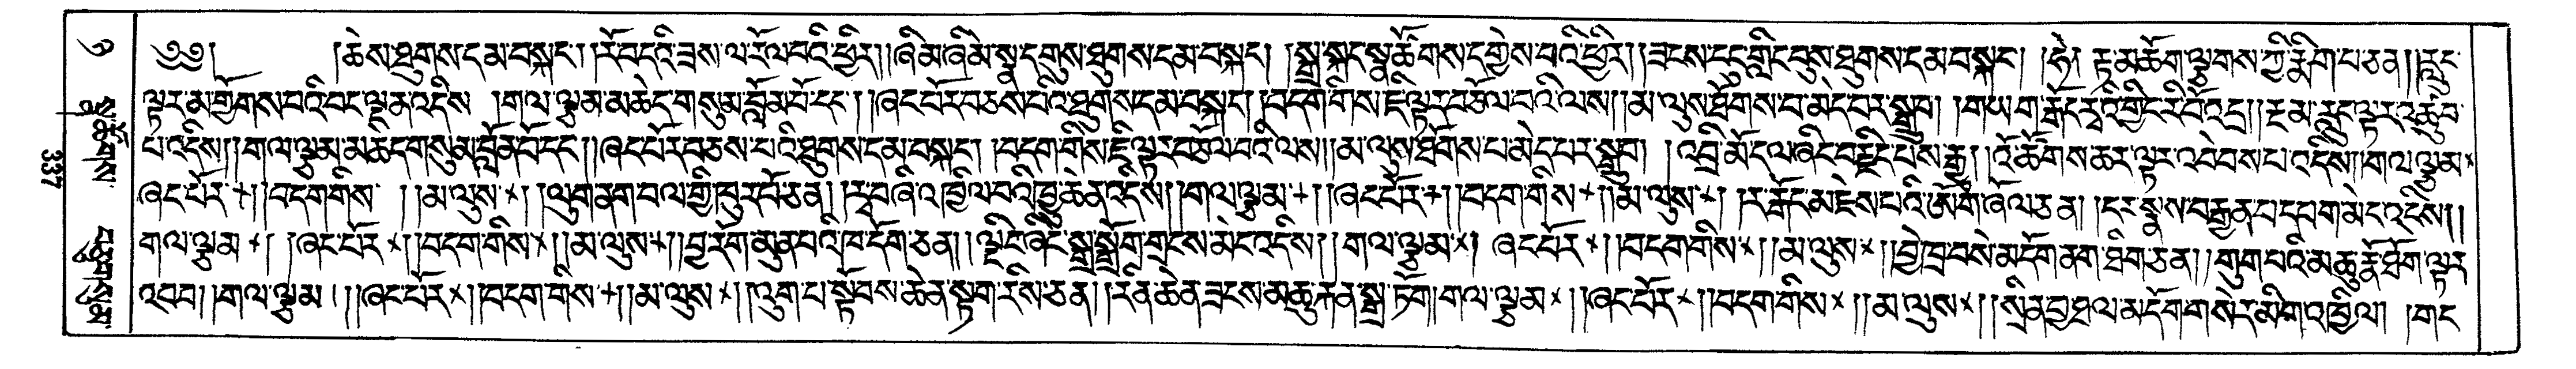༄༅། །ཆེས་ཐུགས་དམ་བསྐད། །རོ་བདའི་ཟས་ལ་རོལ་བའི་ཕྱིར། །ཞིམ་ཞིམ་སྣ་དགུས་ཐུགས་དམ་བསྐང་། །སྒྲ་སྐད་སྣ་ཚོགས་དགྱེས་པའི་ཕྱིར། །ཟངས་དུད་གླིང་བུས་ཐུགས་དམ་བསྐང་། །ཧེ༑ རྟ་མཆོག་ལྕགས་ཀྱི་རྨིག་པ་ཅན། །རླུང་
ལྟར་མགྱོགས་པའི་བང་ལྡན་འདིས། །གལ་ལྕམ་མཆེད་གསུམ་བློན་པོ་དང་། །ཞང་པོར་བཅས་པའི་ཐུགས་དམ་བསྐང་། །བདག་གིས་ཇི་ལྟར་བཅོལ་བའི་ལས། །མ་ལུས་ཐོགས་པ་མེད་པར་སྒྲུབ། །གཡག་རྒོད་རྭ་འགྱིང་རི་བོ་འདྲ། །རྔ་མ་རླུང་ལྟར་འཚུབ་
པ་འདིས། །གལ་ལྕམ་མཆེད་གསུམ་བློན་པོ་དང་། །ཞང་པོར་བཅས་པའི་ཐུགས་དམ་བསྐང་། །བདག་གིས་ཇི་ལྟར་བཅོལ་བའི་ལས། །མ་ལུས་ཐོགས་པ་མེད་པར་སྒྲུབ། །འབྲི་མོ་དལ་ཞིང་བརྗིད་པས་རྒྱུ། །འོ་ཚོགས་ཆར་ལྟར་འབེབས་པ་འདིས། །གལ་ལྕམ།
ཞང་པོར་྾། །བདག་གིས་྾། །མ་ལུས་྾། །ལུག་ནག་བལ་གྱི་ཁུར་པོ་ཅན། །རྭ་བཞི་འཁྱིལ་བའི་ཁྱུ་ཆེན་འདིས། །གལ་ལྕམ་྾། །ཞང་པོར་྾། །བདག་གིས་྾། །མ་ལུས་྾། །ར་རྒོད་མཛེས་པའི་ཨོ་གཞོལ་ཅན། །དར་ནས་བརྒྱན་པ་དཔག་མེད་འདིས།།
གལ་ལྕམ་྾། །ཞང་པོར་྾། །བདག་གིས་྾། །མ་ལུས་྾། །བྱ་རོག་མུན་པའི་ཁ་དོག་ཅན། །ལྡིང་ཞིང་སྒྲ་སྒྲོག་གྲངས་མེད་འདིས། །གལ་ལྕམ་྾། །ཞང་པོར་྾། །བདག་གིས་྾། །མ་ལུས་྾། །བྱེ་ཁྲ་བསེ་མདོག་ནག་ཐིག་ཅན། །གུག་པའི་མཆུ་རྣོ་ཐོག་ལྟར་
འབབ། །གལ་ལྕམ་྾། །ཞང་པོར་྾། །བདག་གིས་྾། །མ་ལུས་྾། །འུག་པ་སྟོབས་ཆེན་སྟག་རིས་ཅན། །རིན་ཆེན་ཟངས་མཆུ་རྐན་སྒྲ་ཏོག །གལ་ལྕམ་྾། །ཞང་པོར་྾། །བདག་གིས་྾། །མ་ལུས་྾། །སྲིན་བྱ་ཐལ་མདོག་གསེར་མིག་འཁྱིལ། །གང་